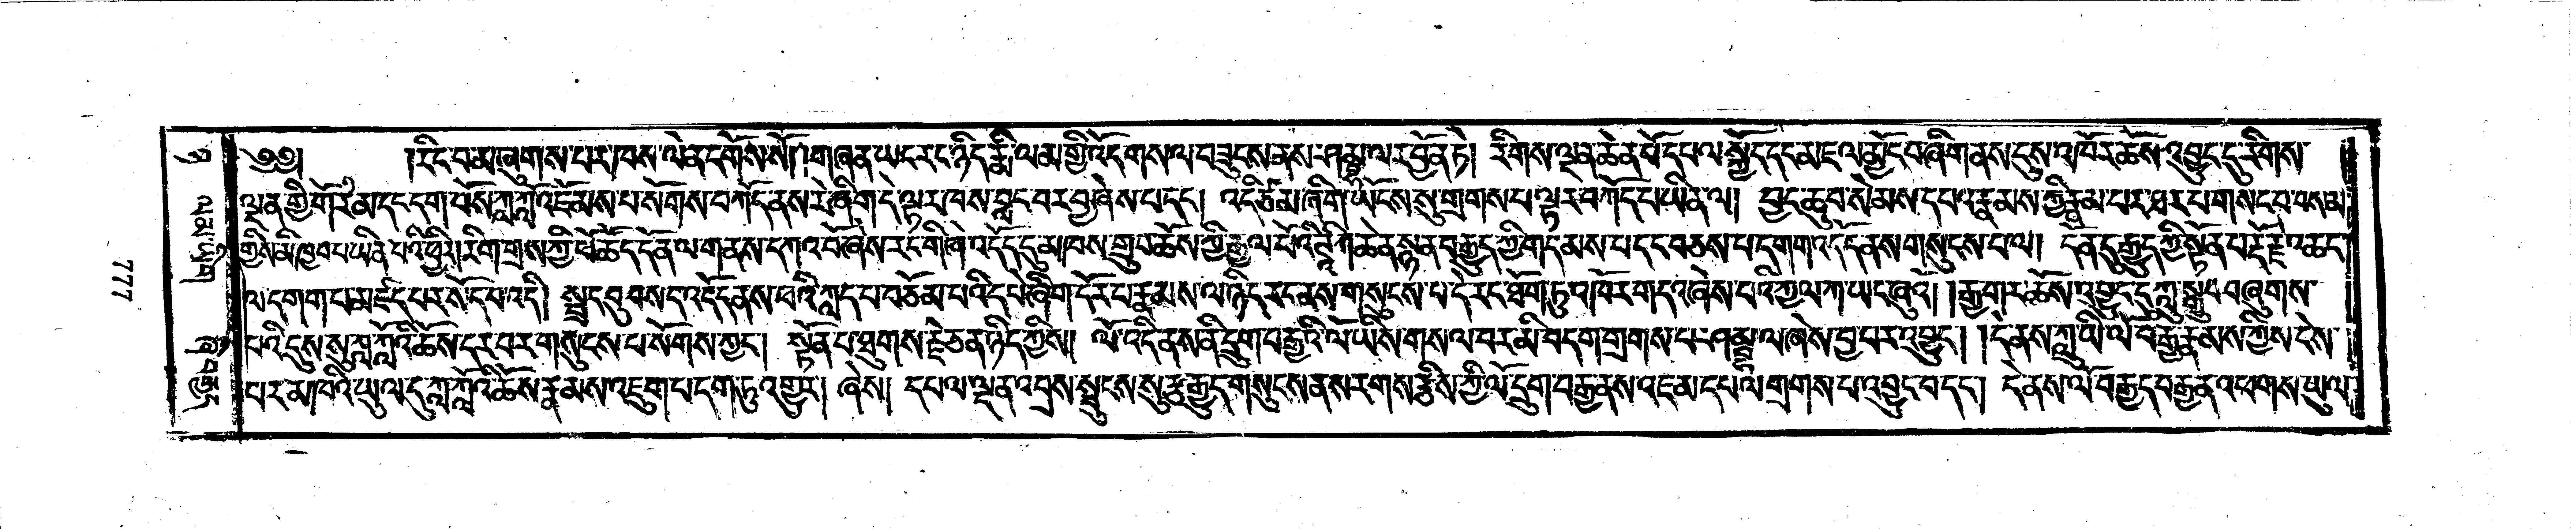༄༅། །རིང་བ་མ་ཞུགས་པར་ཁས་ལེན་དགོས་སོ། །གཞན་ཡང་རང་ཉིད་རྨི་ལམ་གྱི་འོད་གསལ་བཟུངས་ནས་ཤམྦྷ་ལར་བྱོན་ཏེ། རིགས་ལྡན་ཆེན་པོ་དཔལ་སྐྱོང་དང་མཇལ་མྱོང་བ་ཞིག་ནས་དུས་འཁོར་ཆོས་འབྱུང་དུ་རིགས་
ལྡན་གྱི་གོ་རིམ་དང་དག་པོས་ཀླ་ཀློ་འཇོམས་པ་སོགས་བཀོད་ནས་རེ་ཞིག་དེ་ལྟར་ཁས་བླང་བར་བྱ་ཞེས་པ་དང་། འདི་ཙམ་ཞིག་ཡོངས་སུ་གྲགས་པ་ལྟར་བཀོད་པ་ཡིན་ལ། བྱང་ཆུབ་སེམས་དཔའ་རྣམས་ཀྱི་རྣམ་པར་ཐར་པ་གསང་བ་བསམ་
གྱིས་མི་ཁྱབ་པ་ཡིན་པའི་ཕྱིར། རིག་གྲས་ཀྱི་ཕོ་ཚོད་དོན་ལ་གནས་དཀའ་བོ་ཞེས་རང་གི་ཞེ་འདོད་དུ་མཁས་གྲུབ་ཆོས་ཀྱི་རྒྱལ་པོའི་ཊཱཀི་ཆེན་སྙན་བརྒྱུད་ཀྱི་གདམས་པ་དང་བཅས་པ་དགག་འདོད་ནས་གསུངས་པ་ལ། དོན་དུ་རྒྱུད་ཀྱི་སྟོན་པ་རྡོ་རྗེ་འཆང་
ལ་དགག་པ་མཛད་པར་སོང་བ་འདི། སྦྲད་བུབས་བསད་འདོད་ནས་བའི་ཀླད་པ་བཅོམ་པའི་དཔེ་ཞིག་དོར་བ་རྣམས་ལ་ཉིད་རང་ནས་གསུངས་པ་དེ་རང་ཐོག་ཏུ་འཁོར་གདའ་ཞེས་པའི་ཀྱལ་ཀ་ཡང་ཞུའོ། །རྒྱ་གར་ཆོས་འབྱུང་དུ་ཀླུ་སྒྲུབ་བཞུགས་
པའི་དུས་སུ་ཀླ་ཀློའི་ཆོས་དར་བར་གསུངས་པ་སོགས་ཀྱང་། སྟོན་པ་ཐུགས་རྗེ་ཅན་ཉིད་ཀྱིས། ལོ་འདི་ནས་ནི་དྲུག་བརྒྱའི་ལོ་ཡིས་གསལ་བར་མི་བདག་གྲགས་པ་ཤམྦྷ་ལ་ཞེས་བྱ་བར་འབྱུང་། །དེ་ནས་ཀླུ་ཡི་ལོ་བརྒྱ་རྣམས་ཀྱིས་ངེས་
པར་མཁའི་ཡུལ་དུ་ཀླ་ཀློའི་ཆོས་རྣམས་འཇུག་པ་དག་ཏུ་འགྱུར། ཞེ། དཔལ་ལྡན་འབྲས་སྦུངས་སུ་རྩ་རྒྱུད་གསུངས་ནས་རགས་རྩིས་ཀྱི་ལོ་དྲུག་བརྒྱ་ནས་འཇམ་དཔལ་གྲགས་པ་འབྱུང་བ་དང་། དེ་ནས་ལོ་བརྒྱད་བརྒྱན་འཕགས་ཡུལ་